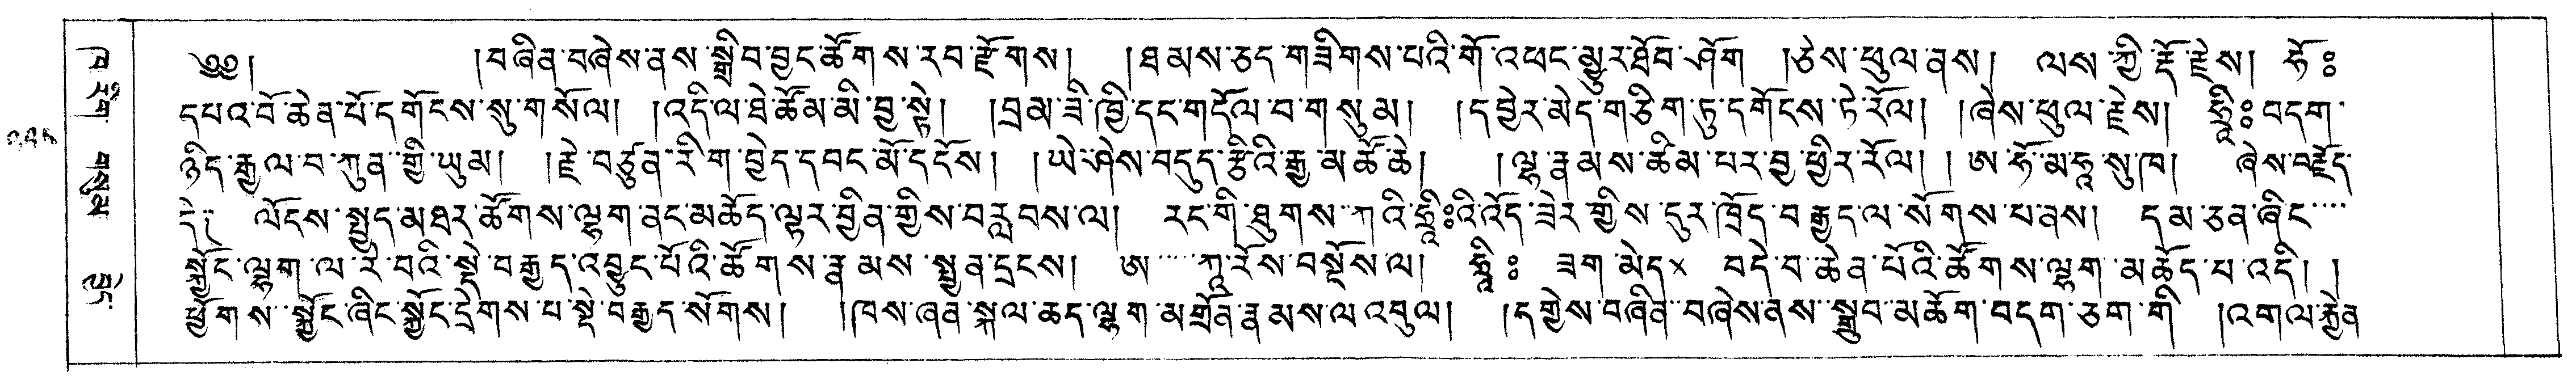༄༅། །བཞིན་བཞེས་ནས་སྒྲིབ་བྱང་ཚོགས་རབ་རྫོགས། །ཐམས་ཅད་གཟིགས་པའི་གོ་འཕང་མྱུར་ཐོབ་ཤོག །ཅེས་ཕུལ་ནས། ལས་ཀྱི་རྡོ་རྗེས། ཧོཿ
དཔའ་བོ་ཆེན་པོ་དགོངས་སུ་གསོལ། །འདི་ལ་ཐེ་ཚོམ་མི་བྱ་སྟེ། །བྲམ་ཟི་ཁྱི་དང་གདོལ་བ་གསུམ། །དབྱེར་མེད་གཅིག་ཏུ་དགོངས་ཏེ་རོལ། །ཞེས་ཕུལ་རྗེས། ཧྲཱིཿ བདག་
ཉིད་རྒྱལ་བ་ཀུན་གྱི་ཡུམ། །རྗེ་བཙུན་རིག་བྱེད་དབང་མོ་དངོས། །ཡེ་ཤེས་བདུད་རྩིའི་རྒྱ་མཚོ་ཆེ། །ལྷ་རྣམས་ཚིམ་པར་བྱ་ཕྱིར་རོལ། །ཨ་ཧོ་མ་ཧཱ་སུ་ཁ། ཞེས་བརྗོད་
དེ༑ ལོངས་སྤྱད་མཐར་ཚོགས་ལྷག་ནང་མཆོད་ལྟར་བྱིན་གྱིས་བརླབས་ལ། རང་གི་ཐུགས་ཀའི་ཧྲཱིཿ འི་འོད་ཟེར་གྱིས་དུར་ཁྲོད་བརྒྱད་ལ་སོགས་པ་ནས། དམ་ཅན་ཞིང་
སྐྱོང་ལྷག་ལ་རེ་བའི་སྡེ་བརྒྱད་འབྱུང་པོའི་ཚོགས་རྣམས་སྤྱན་དྲངས། ཨ་ཀཱ་རོས་བསྔོས་ལ། ཧྲཱིཿ ཟག་མེད་྾་བདེ་བ་ཆེན་པོའི་ཚོགས་ལྷག་མཆོད་པ་འདི། །
ཕྱོགས་སྐྱོང་ཞིང་སྐྱོང་དྲེགས་པ་སྡེ་བརྒྱད་སོགས། །ཁས་ཞན་སྐལ་ཆད་ལྷག་མགྲོན་རྣམས་ལ་འབུལ། །དགྱེས་བཞིན་བཞེས་ནས་སྒྲུབ་མཆོག་བདག་ཅག་གི །འགལ་རྐྱེན་